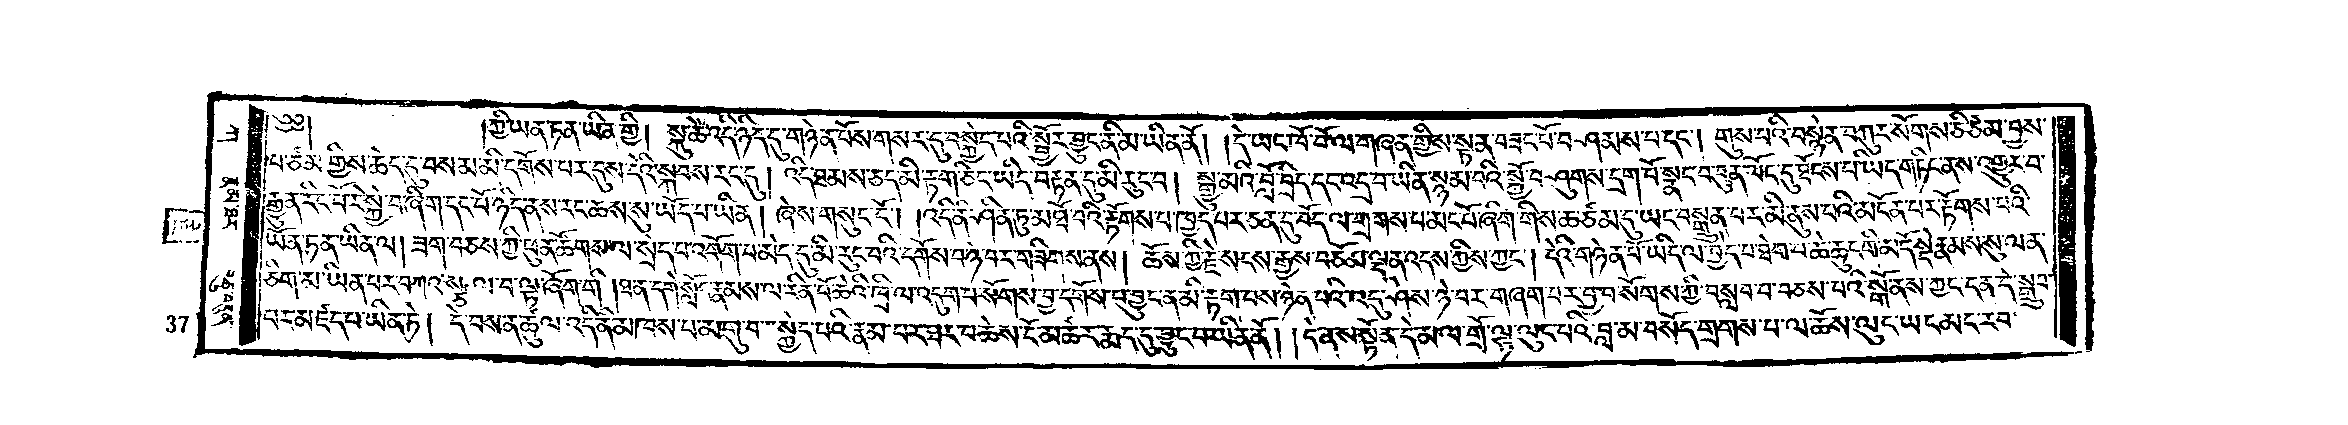༄༅། །ཀྱི་ཡོན་ཏན་ཡིན་གྱི། སྐུ་ཚེ་འདི་ཉིད་དུ་གཉེན་པོས་གསར་དུ་བསྐྱེད་པའི་སྦྱོར་བྱུང་ནི་མ་ཡིན་ནོ། །དེ་ཡང་ཁོ་བོ་ལ་གཞན་གྱིས་སྟན་བཟང་པོ་བཤམས་པ་དང་། གུས་པའི་བསྙེན་བཀུར་སོགས་ཅི་ཙམ་བྱས་
པ་ཙམ་གྱིས་ཆེད་དུ་བསམ་མི་དགོས་པར་དུས་དེའི་སྐབས་རང་དུ། འདི་ཐམས་ཅད་མི་རྟག་ཅིང་ཡིད་བརྟན་དུ་མི་རུང་བ། སྒྱུ་མའི་བློ་བྲིད་དང་འདྲ་བ་ཡིན་སྙམ་པའི་སྐྱོ་བཤུགས་དྲག་པོ་སྣང་བ་བུན་ལོང་དུ་ཐོངས་པ་ཡིད་གཏིང་ནས་འགྱུར་བ་
རྒྱུན་རིང་པོ་རེ་སྐྱེ་བ་ཞིག་དང་པོ་ཉིད་ནས་རང་ཆས་སུ་ཡོད་པ་ཡིན། ཞེས་གསུང་ངོ། །འདི་ནི་ཤིན་ཏུ་མཐོ་བའི་རྟོགས་པ་ཁྱད་པར་ཅན་དུ་བོད་ལ་གྲགས་པ་མང་པོ་ཞིག་གིས་ཆ་ཙམ་དུ་ཡང་བསྒྲུན་པར་མི་ནུས་པའི་མངོན་པར་རྟོགས་པའི་
ཡོན་ཏན་ཡིན་ལ། ཟག་བཅས་ཀྱི་ཕུན་ཚོགས་ལ་སྲེད་པ་འགོག་པ་མེད་དུ་མི་རུང་བའི་དགོས་བ་ཉེ་བར་གཟིགས་ནས། ཆོས་ཀྱི་རྗེ་སངས་རྒྱས་བཅོམ་ལྡན་འདས་ཀྱིས་ཀྱང་། དེའི་གཉེན་པོ་ཡིད་ལ་བྱེད་པ་ཐེག་པ་ཆེ་ཆུང་གི་མདོ་སྡེ་རྣམས་སུ་ལན་
ཅིག་མ་ཡིན་པར་བཀའ་སྩལ་བ་ལྟ་ཞོག་གི །ཐ་ན་དགེ་སློང་རྣམས་ལ་རིན་པོ་ཆེའི་ཁྲི་ལ་འདུག་པ་སོགས་བྱ་དགོས་པ་བྱུང་ན་མི་རྟག་པས་ཉེན་པའི་འདུ་ཤེས་ཉེ་བར་གཞག་པར་བྱ་བ་སོགས་ཀྱི་བསླབ་པ་བཅས་པའི་སྒོ་ནས་ཀྱང་དན་དེ་སྒྲུབ་
པར་མཛད་པ་ཡིན་ཏེ། དེ་བས་ན་ཚུལ་འདི་ནི་མཁས་པ་མགུ་བ་སྐྱེད་པའི་རྣམ་པར་ཐར་པ་ཆེས་ངོ་མཚར་རྨད་དུ་བྱུང་བ་ཡིན་ནོ། །དེ་ནས་སྟོན་དེ་མ་ལ་གྲོ་ལྟ་ལུང་པའི་བླ་མ་བསོད་གྲགས་པ་ལ་ཆོས་ལུང་ཡང་མང་རབ་